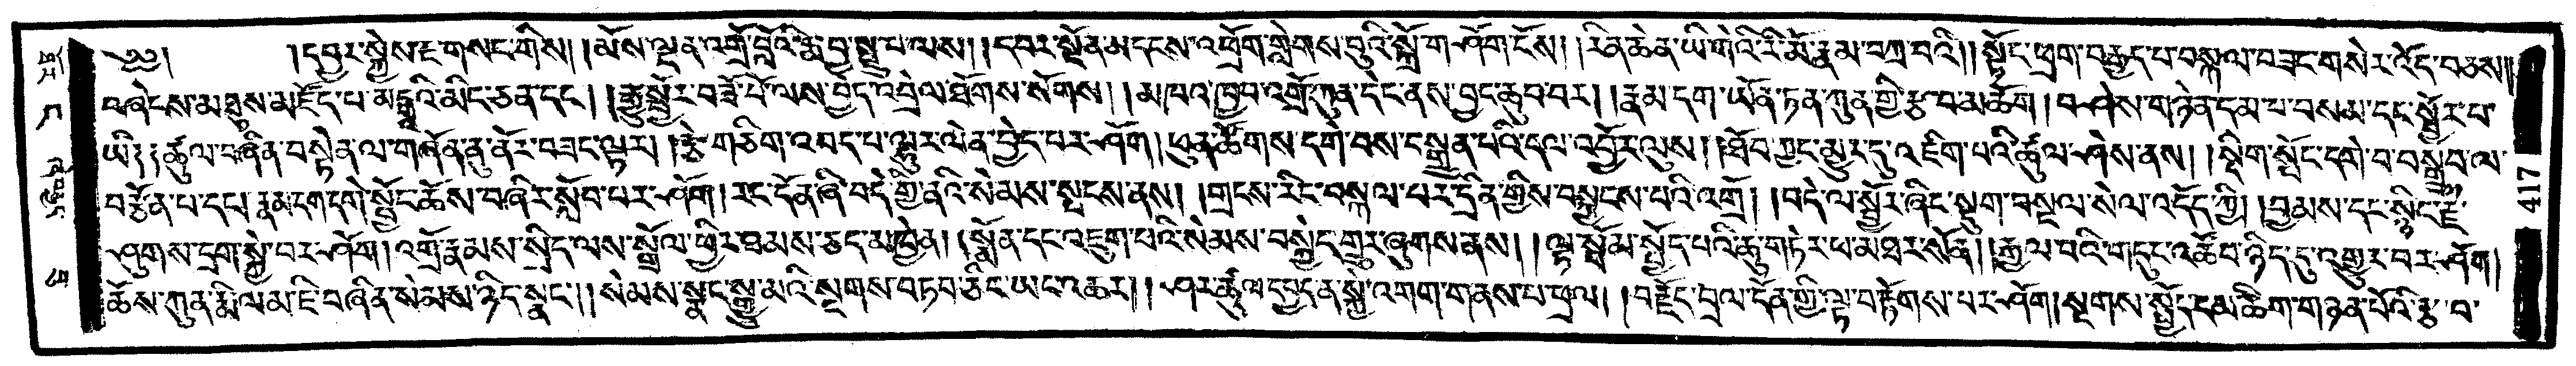༄༅། །དབྱར་སྐྱེས་རྔ་གསང་གིས། །མོས་ལྡན་འགྲོ་བློའི་རྨ་བྱ་སྤྲུ་པ་ལས། །དབར་སྔོན་མདངས་འཕྲོག་གླེགས་བུའི་སྐྲོ་གཤོག་ངོས། །རིན་ཆེན་ཡི་གེའི་རི་མོ་རྣམ་བཀྲ་བའི། །སྟོང་ཕྲག་བརྒྱད་པ་བསྐལ་བཟང་གསེར་འོད་བཅས། །
བཞེངས་མཐུས་མཛོད་པ་མངྒཱཨི་མིང་ཅན་དང་། །རྒྱུ་སྦྱོར་བཟོ་པོ་ལས་བྱེད་འབྲེལ་ཐོགས་སོགས། །མཁའ་ཁྱབ་འགྲོ་ཀུན་དེང་ནས་བྱང་ཆུབ་བར། །རྣམ་དག་ཡོན་ཏན་ཀུན་གྱི་རྩ་བ་མཆོག །བཤེས་གཉེན་དམ་པ་བསམ་དང་སྦྱོར་པ་
ཡི། །ཚུལ་བཞིན་བསྟེན་ལ་གཞོན་ནུ་ནོར་བཟང་ལྟར། །རྩེ་གཅིག་འབད་པ་ལྷུར་ལེན་བྱེད་པར་ཤོག །ཕུན་ཚོགས་དགེ་བས་བསྒྲུན་པའི་དལ་འབྱོར་ལུས། །ཐོབ་ཀྱང་མྱུར་དུ་འཇིག་པའི་ཚུལ་ཤེས་ནས། །སྡིག་སྤོང་དགེ་བ་བསྒྲུབ་ལ་
བརྩོན་པ་དང་། །རྣམ་དག་དགེ་སྦྱོང་ཆོས་བཞིར་སློབ་པར་ཤོག །རང་དོན་ཞི་བདེ་གྱི་ནའི་སེམས་སྤངས་ནས། །གྲངས་རིང་བསྐལ་པར་དྲིན་གྱིས་བསྐྱངས་པའི་འགྲོ་།བདེ་ལ་སྦྱོར་ཞིང་སྡུག་བསྔལ་སེལ་འདོད་ཀྱི། །བྱམས་དང་སྙིང་རྗེ་
ཤུགས་དྲག་སྐྱེ་བར་ཤོག །འགྲོ་རྣམས་སྲིད་ལས་སྒྲོལ་ཕྱིར་ཐམས་ཅད་མཁྱེན། །སྨོན་དང་འཇུག་པའི་སེམས་བསྐྱེད་གྲུར་ཞུགས་ནས། །ལྟ་སྦོམ་སྤྱོད་པའི་ཆུ་གཏེར་ཕ་མཐར་སོན། །རྒྱལ་བའི་གདུང་འཚོ་བ་ཉིད་དུ་འགྱུར་བར་ཤོག །
ཆོས་ཀུན་རྨི་ལམ་ཇི་བཞིན་སེམས་ཉིད་སྣང་། །སེམས་སྣང་སྒྱུ་མའི་སྔགས་བཏབ་ཅིང་ཡང་འཆར། །ཤར་ཚུལ་དཔྱད་ན་སྐྱེ་འགག་གནས་པ་ཕྲལ། །བརྗོད་བྲལ་དོན་གྱི་ལྟ་བ་རྟོགས་པར་ཤོག །སྔགས་སྤྱོད་དམ་ཚིག་གཉན་པོའི་རྩ་བ་